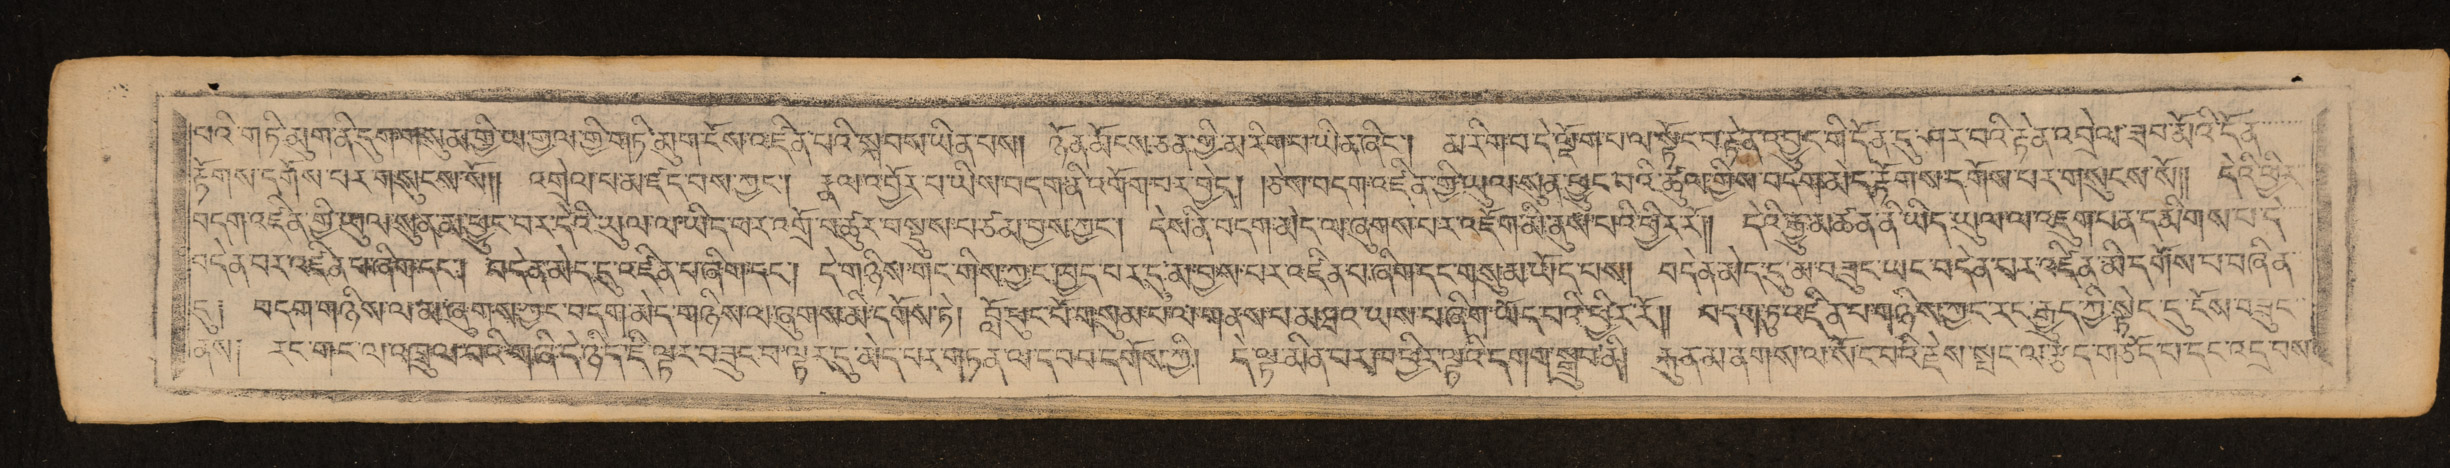པའི་གཏི་མུག་ནི་དུག་གསུམ་གྱི་ཡ་གྱལ་གྱི་གཏི་མུག་ངོས་འཛིན་པའི་སྐབས་ཡིན་པས། ཉོན་མོངས་ཅན་གྱི་མ་རིག་པ་ཡིན་ཞིང་། མ་རིག་པ་དེ་ལྡོག་པ་ལ་སྟོང་པ་རྟེན་འབྱུང་གི་དོན་དུ་ཤར་བའི་རྟེན་འབྲེལ་ཟབ་མོའི་དོན་
རྟོགས་དགོས་པར་གསུངས་སོ།། འགྲེལ་པ་མཛད་པས་ཀྱང་། རྣལ་འབྱོར་པ་ཡིས་བདག་ནི་འགོག་པར་བྱེད། །ཅེས་བདག་འཛིན་གྱི་ཡུལ་སུན་ཕྱུང་བའི་ཚུལ་གྱིས་བདག་མེད་རྟོགས་དགོས་པར་གསུངས་སོ།། དེའི་ཕྱིར་
བདག་འཛིན་གྱི་ཡུལ་སུན་མ་ཕྱུང་བར་དེར་ཡུལ་ལ་ཡིད་ཕར་འགྲོ་བ་ཚུར་བསྡུས་པ་ཙམ་བྱས་ཀྱང་། དེས་ནི་བདག་མེད་ལ་ཞུགས་པར་འཇོག་མི་ནུས་པའི་ཕྱིར་རོ།། དེའི་རྒྱུ་མཚན་ནི་ཡིད་ཡུལ་ལ་འཇུག་པ་ན་དམིགས་པ་དེ་
བདེན་པར་འཛིན་པ་ཞིག་དང་། བདེན་མེད་དུ་འཛིན་པ་ཞིག་དང་། དེ་གཉིས་གང་གིས་ཀྱང་ཁྱད་པར་དུ་མ་བྱས་པར་འཛིན་པ་ཞིག་དང་གསུམ་ཡོད་པས། བདེན་མེད་དུ་མ་བཟུང་ཡང་བདེན་པར་འཛིན་མི་དགོས་པ་བཞིན་
དུ། བདག་གཉིས་ལ་མ་ཞུགས་ཀྱང་བདག་མེད་གཉིས་ལ་ཞུགས་མི་དགོས་ཏེ། བློ་ཕུང་པོ་གསུམ་པ་ལ་གནས་པ་མཐའ་ཡས་པ་ཞིག་ཡོད་པའི་ཕྱིར་རོ།། བདག་ཏུ་འཛིན་པ་གཉིས་ཀྱང་རང་རྒྱུད་ཀྱི་སྟེང་དུ་ངོས་བཟུང་
ནས༑ རང་གང་ལ་འཁྲུལ་བའི་གཞི་དེ་ཉིད་ཇི་ལྟར་བཟུང་བ་ལྟར་དུ་མེད་པར་གཏན་ལ་དབབ་དགོས་ཀྱི། དེ་ལྟ་མིན་པར་ཁ་ཕྱིར་ལྟའི་དགག་སྒྲུབ་ནི། རྐུན་མ་ནགས་ལ་སོང་བའི་རྗེས་སྤང་ལ་རྩད་གཅོད་པ་དང་འདྲ་བས་